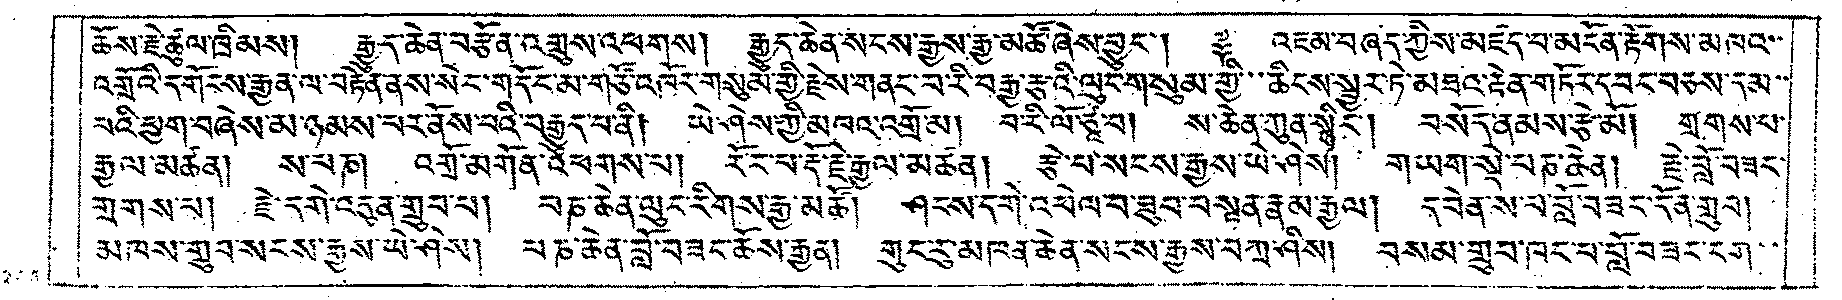ཆོས་རྗེ་ཚུལ་ཁྲིམས། རྒྱུད་ཆེན་བརྩོན་འགྲུས་འཕགས། རྒྱུད་ཆེན་སངས་རྒྱས་རྒྱ་མཚོ་ཞེས་བྱུང་། ༈ འཇམ་བཞད་ཀྱིས་མཛད་པ་མངོན་རྟོགས་མཁའ་
འགྲོའི་དགོངས་རྒྱན་ལ་བརྟེན་ནས་སེང་གདོང་མ་གཙོ་འཁོར་གསུམ་གྱི་རྗེས་གནང་བ་རི་བརྒྱ་རྩའི་ལུང་གསུམ་གྱི་ཆིངས་སྦྱར་ཏེ་མཐའ་རྟེན་གཏོར་དབང་བཅས་དམ་
པའི་ཕྱག་བཞེས་མ་ཉམས་པར་ནོས་པའི་བརྒྱུད་པ་ནི། ཡེ་ཤེས་ཀྱི་མཁའ་འགྲོ་མ། བ་རི་ལོ་ཙཱ་བ། ས་ཆེན་ཀུན་སྙིང་། བསོད་ནམས་རྩེ་མོ། གྲགས་པ་
རྒྱལ་མཚན། ས་པཎ། འགྲོ་མགོན་འཕགས་པ། རོང་པ་རྡོ་རྗེ་རྒྱལ་མཚན། རྩེ་པ་སངས་རྒྱས་ཡེ་ཤེས། གཡག་སྡེ་པཎ་ཆེན། རྗེ་བློ་བཟང་
གྲགས་པ། རྗེ་དགེ་འདུན་གྲུབ་པ། པཎ་ཆེན་ལུང་རིགས་རྒྱ་མཚོ། ཤངས་དགེ་འཕེལ་བ་ཐུབ་བསྟན་རྣམ་རྒྱལ། དབེན་ས་པ་བློ་བཟང་དོན་གྲུབ།
མཁས་གྲུབ་སངས་རྒྱས་ཡེ་ཤེས། པཎ་ཆེན་བློ་བཟང་ཆོས་རྒྱན། གུང་རུ་མཁན་ཆེན་སངས་རྒྱས་བཀྲ་ཤིས། བསམ་གྲུབ་ཁང་པ་བློ་བཟང་ངག་